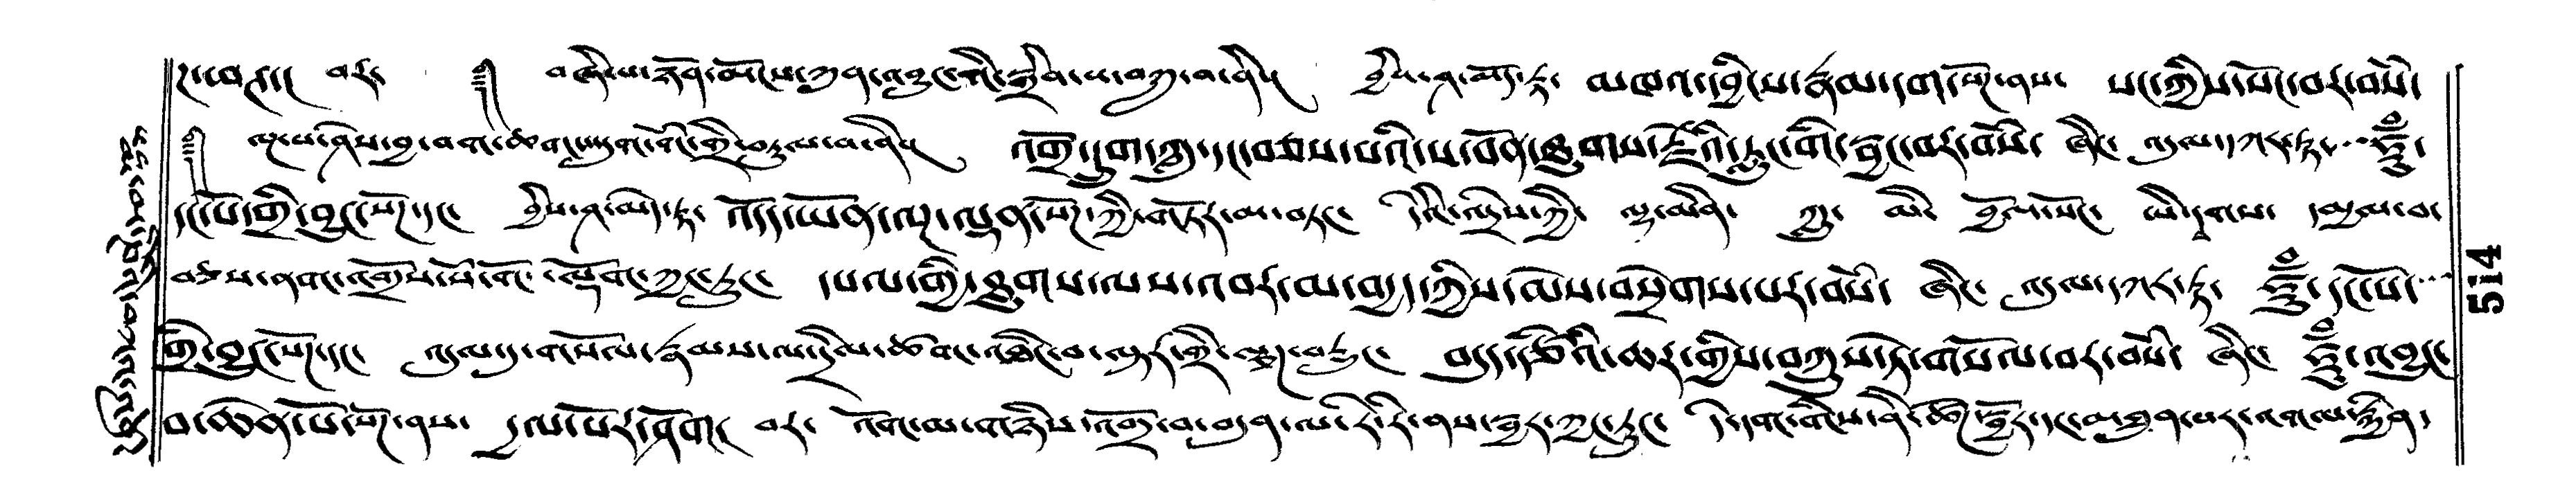( ཌ། ) ཕཊཿ བར། ༈ བཞི་པ་ཉོན་མོངས་ཀུན་འབྱུང་གི་སྒྲིབ་པ་བཀྲུ་བ་ནི། ( བྱིས་ཤ་མདོ་རྟ། ) མཁའ་དབྱིངས་རྣམ་དག༴ སོགས་ནས། སངས་ཀྱིས་སོང་བར་བསམ། 
༈ ལྔ་པ་ཤེས་བྱའི་བག་ཆགས་དུག་གམ་གྲི་བཏུལ་བ་ནི། འགྲོ་དྲུག་ཀླུ་དང་བཅས་པའི་ས་བོན་ཐུགས་རྗེའི་རླུང་གི་སྦྱངས་བར་བསམ་ཞིང་། ( འདུལ་དཀར་རྟ་ ) ཧཱུྃ། 
དང་པོ་གྲི་བྱུང༴ སོགས་དང་།( བྱིས་ཤ་མེད་རྟ། ) འདོད་ཡོན་ལྔ་ལྡན༴ སོགས་ཀྱིས་གཏོར་མ་བཏང་། དེའི་འགྲེས་ཀྱི། ལྷ་མིན། ཀླུ། མི། བྱོལ་སོང་། ཡི་དྭགས། དམྱལ་བ་
བཅས་ནག་འགྲོས་སམ་གོ་ལྡོག་ཀྱང་རུང་། དཔལ་གྱི་ཐུགས་ལས་འབར་མ་བརྒྱད་ཀྱིས་མེས་བསྲེགས་པར་བསམ་ཞིང་། ( འདུལ་དཀར་རྟ། ) ཧཱུྃ། དང་པོ་
གྲི་བྱུང༴ སོགས་དང་། ( འདུལ་དུ་གསོལ་རྣམས་ལ་དྲིལ་ཚག་འཐིག་བ་ལྟར་གྲི་ལྕགས་བརྡུང་། ) བདུད་རྩིའི་ཆར་གྱིས་བཀྲུས་ཏེ་གསོལ་བར་བསམ་ཞིང་། ཧཱུྃ། འབྱུང་
བ་ཆེན་པོ༴ སོགས་ནས། རྒྱལ་པོར་ཤོག བར། འོག་མ་གཉིས་འགྲོ་བ་བདུན་ལ་རེ་རེ་ནས་སྦྱར་ཀྱང་རུང་། དེ་དག་གིས་ནི་ཚོགས་སྦྱོར་དང་མཐུན་པར་འགལ་རྐྱེན་